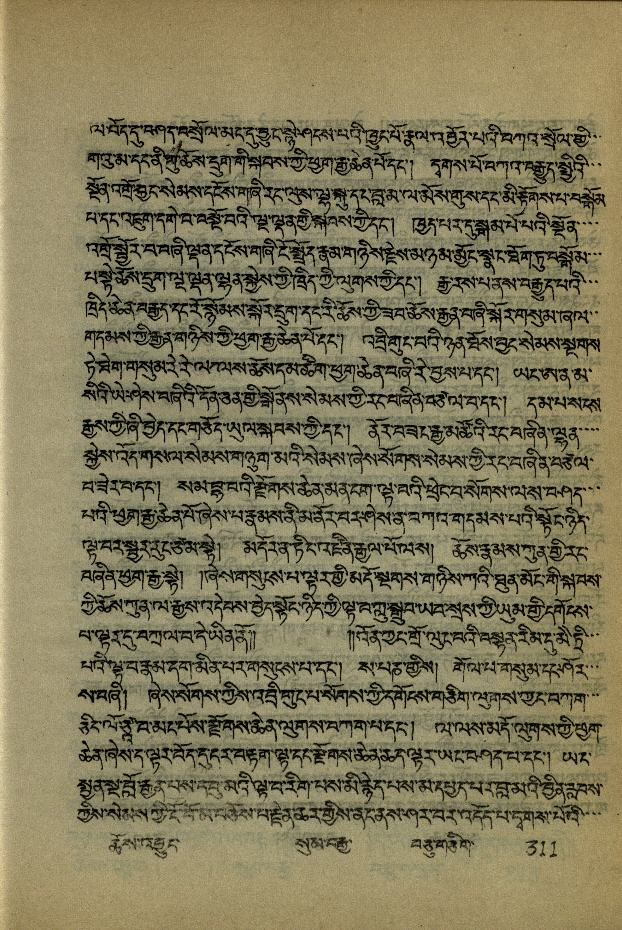ལ་བོད་དུ་བཤད་བསྲོལ་མང་དུ་བྱུང་སྙེ་ཤངས་པའི་ཁྱུང་པོ་རྣལ་འབྱོར་པའི་བཀའ་སྲོལ་གྱི་
གའུ་མ་དང་ནི་གུ་ཆོས་དྲུག་གི་སྐབས་ཀྱི་ཕྱག་རྒྱ་ཆེན་པོ་དང་། དྭགས་པོ་བཀའ་བརྒྱུད་སྦྱིའི་
སྔོན་འགྲོ་བྱང་སེམས་དངོས་གཞི་རང་ལུས་ལྷ་སྐུ་དང་བླ་མ་ལ་མོས་གུས་དང་མི་རྟོགས་པ་བསྒོམ་
པ་དང་འཇུག་དགེ་བ་བསྔོ་བའི་ལྔ་ལྡན་གྱི་སྐབས་ཀྱི་དང་། ཁྱད་པར་དུ་སྒམ་པོ་པའི་སྔོན་
འགྲོ་སྦྱོར་བ་བཞི་ལྡན་དངོས་གཞི་ངོ་སྤྲོད་རྣམ་གཉིས་རྗེས་མཉམ་མྱོང་སྣང་ཐོག་ཏུ་བསྒོམ་
པ་སྟེ་ཆོས་དྲུག་ལྔ་ལྡན་ལྷན་སྐྱེས་ཀྱི་ཁྲིད་ཀྱི་ལུགས་ཀྱི་དང་། རྒྱ་རས་པ་ནས་བརྒྱུད་པའི་
ཁྲིད་ཆེན་བརྒྱད་དང་རོ་སྙོམས་སྐོར་དྲུག་དང་རི་ཆོས་ཀྱི་ཟབ་ཆོས་རྒྱན་བཞི་སྐོར་གསུམ་ཞལ་
གདམས་ཀྱི་རྒྱན་གཉིས་ཀྱི་ཕྱག་རྒྱ་ཆེན་པོ་དང་། འབྲི་གུང་བའི་ཉན་ཐོས་བྱང་སེམས་སྔགས་
ཏེ་ཐེག་གསུམ་རེ་རེ་ལ་ལས་ཆོས་དམ་ཚིག་ཕྱག་ཆེན་བཞི་རེ་བྱས་པ་དང་། ཡང་ཨ་ན་མ་
སིའི་ཡེ་ཤེས་བཞིའི་དོན་ཅན་གྱི་སྒོ་ནས་སེམས་ཀྱི་རང་བཞིན་བཙལ་བ་དང་། དམ་པ་སངས་
རྒྱས་ཀྱི་ཞི་བྱེད་དང་གཅོད་ཡུལ་སྐབས་ཀྱི་དང་། ནོར་བཟང་རྒྱ་མཚོའི་རང་བཞིན་ལྷན་
སྐྱེས་འོད་གསལ་སེམས་གཉུག་མའི་སེམས་ཞེས་སོགས་སེམས་ཀྱི་རང་བཞིན་བཙལ་
བ་ཟེར་བ་དང་། སམ་བྷ་བའི་རྫོགས་ཆེན་མན་ངག་ལྟ་བའི་ཕྲེང་བ་སོགས་ལས་བཤད་
པའི་ཕྱག་རྒྱ་ཆེན་པོ་ཞེས་པ་རྣམས་ནི་མ་ནོར་བར་ཤེས་ན་བཀའ་གདམས་པའི་སྟོང་ཉིད་
ལྟ་བར་སྦྱར་རུང་ཙམ་སྟེ། མདོར་ན་ཏིང་འཛིན་རྒྱལ་པོ་ལས། ཆོས་རྣམས་ཀུན་གྱི་རང་
བཞིན་ཕྱག་རྒྱ་སྟེ། །ཞེས་གསུངས་པ་ལྟར་གྱི་མདོ་སྔགས་གཉིས་ཀའི་ཐུན་མོང་གི་སྐབས་
ཀྱི་ཆོས་ཀུན་ལ་རྒྱས་འདེབས་བྱེད་སྟོང་ཉིད་ཀྱི་ལྟ་བ་ཀླུ་སྒྲུབ་ཊྱབ་སྲས་ཀྱི་ཡུམ་གྱི་དགོངས་
བ་ལྟར་དུ་བཀྲལ་བ་དེ་ཡིན་ནོ།། །།འོན་ཀྱང་གྲོ་ལུང་བའི་བསྟན་རིམ་དུ་མཻ་ཏྲི་
པའི་ལྟ་བ་རྣམ་དག་མིན་པར་གསུངས་པ་དང་། ས་པཎ་གྱིས། གོལ་པ་གསུམ་དང་ཤོར་
ས་བཞི། ཞེས་སོགས་ཀྱིས་འབྲི་གུང་པ་སྒོས་ཀྱི་དགོངས་གཅིག་ལུགས་ཀྱང་བཀག་
ཅིང་ལོ་ཙཱ་བ་མང་པོས་རྫོགས་ཆེན་ལུགས་བཀག་པ་དང་། ལ་ལས་མདོ་ལུགས་ཀྱི་ཕྱག་
ཆེན་ཞེས་ད་ལྟར་བོད་དུ་དར་བརྟག་ལྟ་དང་རྫོགས་ཆེན་ཆད་ལྟར་ཡང་བཤད་པ་དང་། ཡང་
སྤྱན་སྔ་བློ་རྒྱན་པས་དབུ་མའི་ལྟ་བ་རིག་པས་མི་རྙེད་པས་མ་དཔྱད་པར་བླ་མའི་བྱིན་རླབས་
ཀྱིས་སེམས་ཀྱི་ངོ་བོ་མ་བཅོས་བ་རྗེན་ཆར་གྱིས་ནང་ནས་ཤར་བར་འདོད་པ་དྭགས་པོའི་